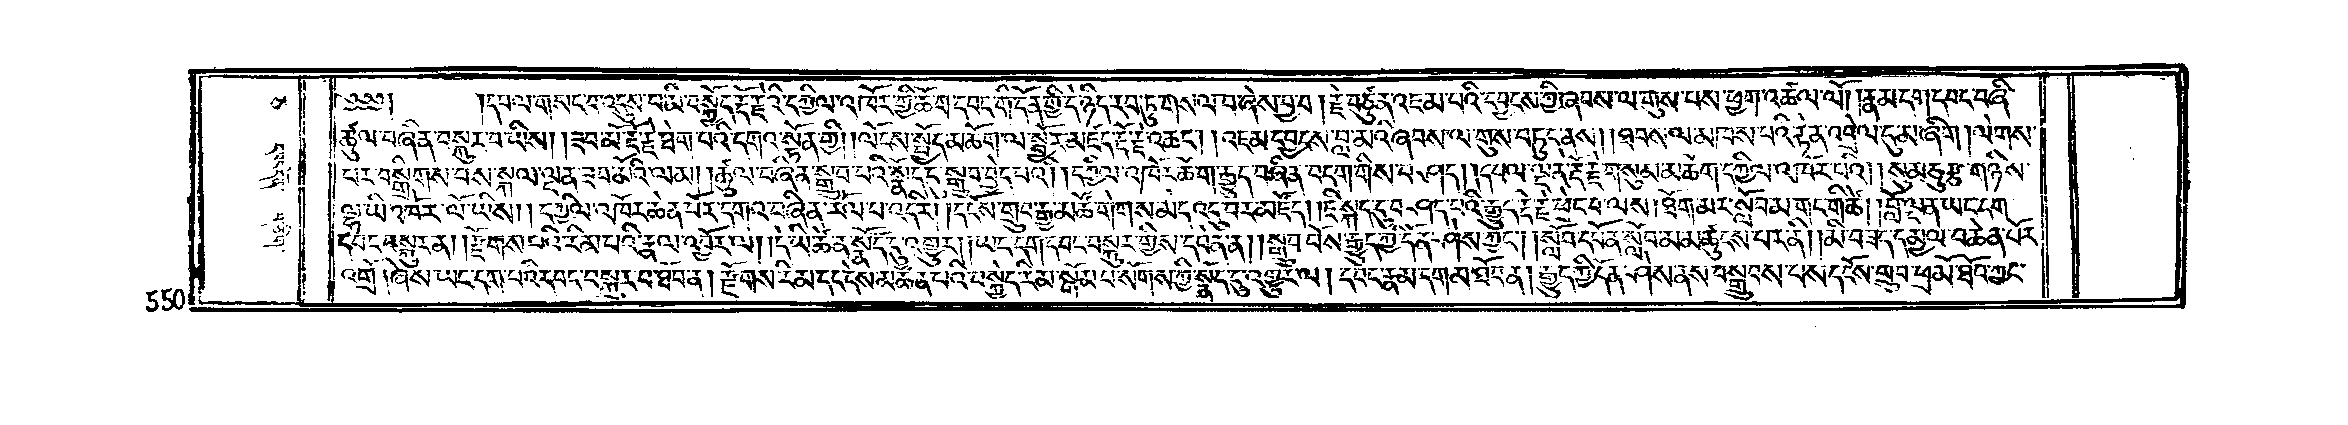༄༅༅། །དཔལ་གསང་བ་འདུས་པ་མི་བསྐྱོད་རྡོ་རྗེའི་དཀྱིལ་འཁོར་གྱི་ཆོ་ག་དབང་གི་དོན་གྱི་དེ་ཉིད་རབ་ཏུ་གསལ་བ་ཞེས་བྱ་བ། རྗེ་བཙུན་འཇམ་པའི་དབྱངས་ཀྱི་ཞབས་ལ་གུས་པས་ཕྱག་འཚལ་ལོ། །རྣམ་དག་དབང་བཞི་
ཚུལ་བཞིན་བསྐུར་བ་ཡིས། །ཟབ་མོ་རྡོ་རྗེ་ཐེག་པའི་དགའ་སྟོན་གྱི། །ལོངས་སྤྱོད་མཆོག་ལ་སྦྱོར་མཛད་རྡོ་རྗེ་འཆང་། །འཇམ་དབྱངས་བླ་མའི་ཞབས་ལ་གུས་བཏུད་ནས། །ཐབས་ལ་མཁས་པའི་རྟེན་འབྲེལ་དུ་མ་ཞིག །ལེགས་
པར་བསྒྲིགས་པས་སྐལ་ལྡན་ཟབ་མོའི་ལམ། །ཚུལ་བཞིན་སྒྲུབ་པའི་སྣོད་དུ་སྒྲུབ་བྱེད་པའི། །དཀྱིལ་འཁོར་ཆོ་ག་རྒྱུད་བཞིན་བདག་གིས་བཤད། །དཔལ་ལྡན་རྡོ་རྗེ་གསུམ་མཆོག་དཀྱིལ་འཁོར་བའི། །སུམ་ཅུ་རྩ་གཉིས་
ལྷ་ཡི་འཁོར་ལོ་ཡིས། །དཀྱིལ་འཁོར་ཆེན་པོར་དགའ་བཞིན་རོལ་པ་འདིར། །དངོས་གྲུབ་རྒྱ་མཚོ་གེགས་མེད་འདུ་བར་མཛོད། །ཇི་སྐད་དུ་བཤད་པའི་རྒྱུད་རྡོ་རྗེ་ཕྲེང་བ་ལས། ཐོག་མར་སློབ་མ་གང་གི་ཚེ། །བློ་ལྡན་ཡང་དག་
དབང་བསྐུར་ན། །རྫོགས་པའི་རིམ་པའི་རྣལ་འབྱོར་ལ། །དེ་ཡི་ཚེ་ན་སྣོད་དུ་འགྱུར། །ཡང་དག་དབང་བསྐུར་གྱིས་དབེན་ན། །སྒྲུབ་པོས་རྒྱུད་ཀྱི་དོན་ཤེས་ཀྱང་། །སློབ་དཔོན་སློབ་མ་མཚུངས་པར་ནི། །མི་བཟད་དམྱལ་བ་ཆེན་པོར་
འགྲོ་།ཞེས་ཡང་དག་པའི་དབང་བསྐུར་བ་ཐོབ་ན། རྫོགས་རིམ་དང་དེས་མཚོན་པའི་བསྐྱེད་རིམ་སྒོམ་པ་སོགས་ཀྱི་སྣོད་དུ་འགྱུར་ལ། དབང་རྣམ་དག་མ་ཐོབ་ན། རྒྱུད་ཀྱི་དོན་ཤེས་ནས་བསྒྲུབས་པས་དངོས་གྲུབ་ཕྲ་མོ་ཐོབ་ཀྱང་